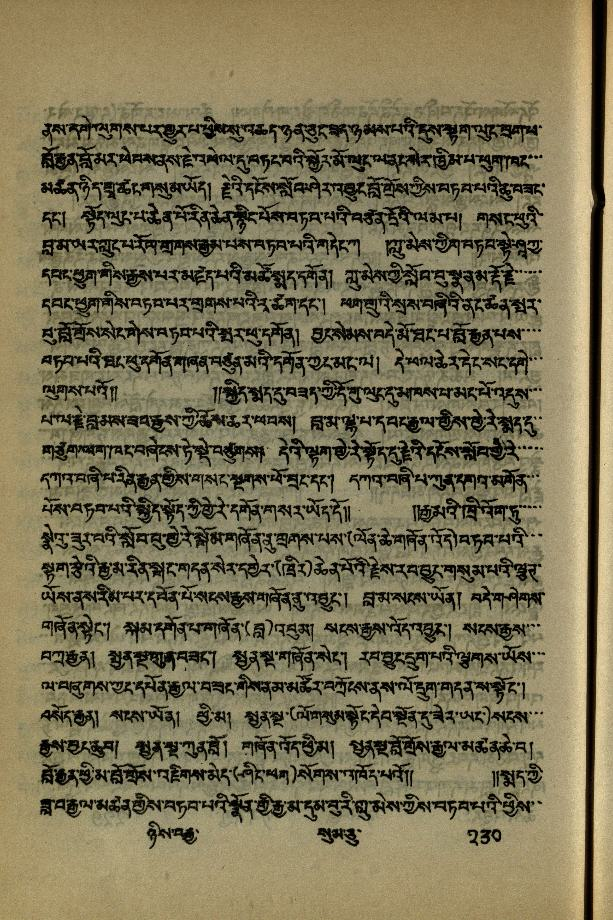ནས་དགེ་ལུགས་པར་གྱུར་པ་ཕྱིས་སུ་འཆད་ཉན་ཅུང་ཟད་ཉམས་པའི་དུས་སྟག་ལུང་བྲག་པ་
བློ་རྒྱན་བློ་མར་ཕེབས་ནས་ཇེ་འཕེལ་དུ་བཏང་བའི་སྐྱོར་མོ་ལུང་ལ་ནང་སེར་ཁྱིམ་པ་ཕུག་ཁང་
མཚན་ཉིད་གྲྭ་ཚང་གསུམ་ཡོད། རྗེའི་དངོས་སློབ་ཤེར་འབྱུང་བློ་གྲོས་ཀྱིས་བཏབ་པའི་ཆུ་བཟང་
དང་། སྟོད་ལུང་པ་ཆེན་པོ་རིན་ཆེན་སྙིང་པོས་བཏབ་པའི་བཙན་དྲོའི་ལམ་པ། གསང་པུའི་
བླ་མ་ཡར་ཀླུང་པ་རོག་གྲགས་རྒྱམ་པས་བཏབ་པའི་གདེང་། །ཀླུ་མེས་ཀྱི་བཏབ་སྟེ་ཤཱཀྱ་
དབང་ཕྱུག་གིས་རྒྱས་པར་མཛད་པའི་མཚོ་སྨད་དགོན། ཀླུ་མེས་ཀྱི་སློབ་བུ་སྣ་ནམ་རྡོ་རྗེ་
དབང་ཕྱུག་གིས་བཏག་པར་གྲགས་པའི་རྭ་ཚག་དང་། ཕག་གྲུའི་སྲས་བཞིའི་ནང་ཚན་སྤར་
བུ་བློ་གྲོས་སེང་གེས་བཏབ་པའི་སྤར་ཕུ་དགོན། བྱང་སེམས་བདེ་མོ་ཐང་པ་བློ་རྒྱན་པས་
བཏབ་པའི་ཐང་ཕུ་དགོན་གཞན་བཙུན་མའི་དགོན་ཀྱང་མང་ལ། དེ་ཕལ་ཆེར་དེང་སང་དགེ་
ལུགས་པའོ།། །།སྐྱིད་སྨད་དུ་བཟད་ཀྱི་དོ་གུ་ལུང་དུ་མཁས་པ་མང་པོ་འདུས་
པ་ལ་རྗེ་བླ་མས་ཟབ་རྒྱས་ཀྱི་ཆོས་ཆར་ཕབས། བླ་མ་ལྷ་པ་དབང་རྒྱལ་གྱིས་གྱེ་རེ་སྨད་དུ་
གཙུག་ལག་ཁང་བཞེངས་ཏེ་སྡེ་བཙུགས། དེའི་ལྟག་གྱེ་རེ་སྟོད་དུ་རྗེའི་དངོས་སློབ་གྱི་རེ་
དཀའ་བཞི་པ་རིན་རྒྱན་གྱིས་གསང་སྔགས་ཕོ་བྲང་དང་། དཀའ་བཞི་པ་ཀུན་དགའ་མགོན་
པོས་བཏབ་པའི་སྐྱིད་སྟོད་ཀྱི་གྱེ་རེ་དགོན་གསར་ཡོད་དོ།། །།རྒྱ་མའི་ཁྲི་འོག་ཏུ་
སྣེའུ་ཟུར་བའི་སློབ་བུ་གྱེ་རེ་སྒོམ་གཞོན་ནུ་གྲགས་པས་ལོན་ཆེ་གཞོན་འོད་བཏབ་པའི་
སྟག་རྩེའི་རྒྱ་མ་རིན་སྒང་གདན་སེར་དགྱེར་ཁྲིར་ཆེན་པོའི་རྗེས་རབ་བྱུང་གསུམ་པའི་ལྕཊ་
ཡོས་ནས་རིམ་པར་དབོན་པོ་སངས་རྒྱས་གཞོན་ནུ་འབྱུང་། བླ་མ་སངས་ཡོན། བདེ་གཤེགས་
གཞོན་སྟེང་། སྐམ་དགོན་པ་གཞོན་བླ་འབུམ། སངས་རྒྱས་འོད་འབྱུང་། སངས་རྒྱས་
བཀྲ་རྒྱན། སྤྱན་སྔ་ཀུན་བཟང་། སྤྱན་སྔ་གཞོན་སེང་། རབ་བྱུང་དྲུག་པའི་ལྕགས་ཡོས་
ལ་བཞུགས་ཀྱང་དཔོན་རྒྱལ་བཟང་གིས་ནམ་མཚོར་བཀྲོངས་ནས་ལོ་དྲུག་གདན་ས་སྟོང་།
བསོད་རྒྱན། སངས་ཡོན། ཕྱི་མ། སྤྱན་སྔ་ལོ་གསུམ་སྟོང་དེབ་སྔོན་དུ་ཟེར་ཡང་སངས་
རྒྱས་བྱང་ཆུབ། སྤྱན་སྔ་ཀུན་བློ། གཞོན་འོད་ཕྱི་མ། སྤྱན་སྔ་བློ་གྲོསར་གྱལ་མཚན་ཆེ་བ།
བློ་རྒྱན་ཕྱི་མ་བློ་གྲོས་འཇིགས་མེད་ཤིང་ཕག་སོགས་འཁོད་པའོ།། །།སྨད་ཀྱི་
ཟླ་བ་རྒྱལ་མཚན་གྱིས་བཏབ་པའི་སྣོན་གྱི་རྒྱ་མ་དུམ་བུ་རི་ཀླུ་མེས་ཀྱིས་བཏབ་པའི་ཕྱིས་